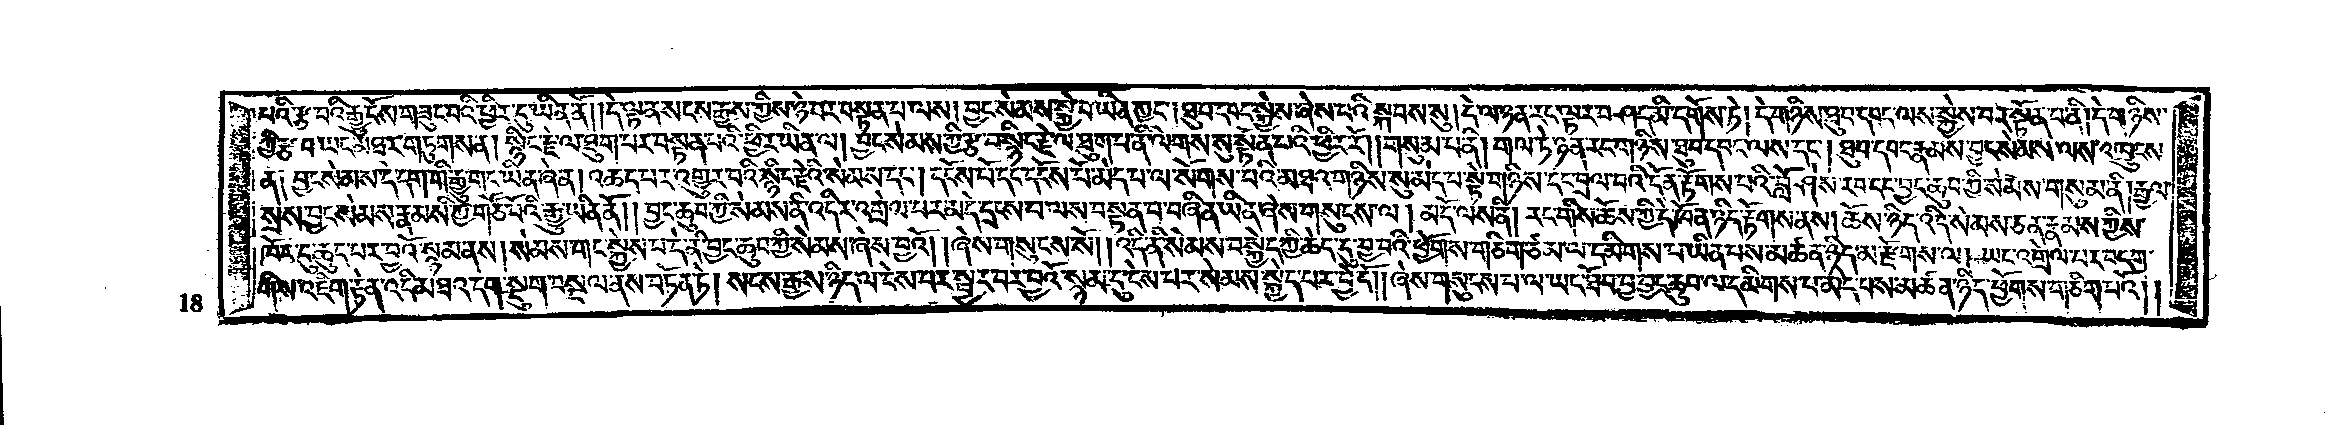པའི་རྩ་བའི་རྒྱུ་ངོས་གཟུང་བའི་ཕྱིར་དུ་ཡིན་ནོ། །དེ་ལྟ་ན་སངས་རྒྱས་ཀྱིས་ཉེ་བར་བསྟན་པ་ལས། བྱང་སེམས་སྐྱེ་བ་ཡིན་ཀྱང་། ཐུབ་དབང་སྐྱེས་ཞེས་པའི་སྐབས་སུ། དེ་ལ་ཉན་རང་ལྟར་བཤད་མི་དགོས་ཏེ། དེ་གཉིས་ཐུབ་དབང་ལས་སྐྱེས་པར་སྟོན་པ་ནི། དེ་གཉིས་
ཀྱི་རྩ་བ་ཡང་མཐར་གཏུགས་ན། སྙིང་རྗེ་ལ་ཐུག་པར་བསྟན་པའི་ཕྱིར་ཡིན་ལ། བྱང་སེམས་ཀྱི་རྩ་བ་སྙིང་རྗེ་ལ་ཐུག་པ་ནི་ལོགས་སུ་སྟོན་པའི་ཕྱིར་རོ། །གསུམ་པ་ནི། གལ་ཏེ་ཉན་རང་གཉིས་ཐུབ་དབང་ལས་དང་། ཐུབ་དབང་རྣམས་བྱང་སེམས་ལས་འཁྲུངས་
ན། བྱང་སེམས་དེ་དག་གི་རྒྱུ་གང་ཡིན་ཞེ་ན། འཆད་པར་འགྱུར་བའི་སྙིང་རྗེའི་སེམས་དང་། དངོས་པོ་དང་དངོས་པོ་མེད་པ་ལ་སོགས་པའི་མཐའ་གཉིས་སུ་མེད་པ་སྟེ་གཉིས་དང་བྲལ་བའི་དོན་རྟོགས་པའི་བློ་ཤེས་རབ་དང་བྱང་ཆུབ་ཀྱི་སེམས་གསུམ་ནི། རྒྱལ་
སྲས་བྱང་སེམས་རྣམས་ཀྱི་གཙོ་བོའི་རྒྱུ་ཡིན་ནོ། །བྱང་ཆུབ་ཀྱི་སེམས་ནི་འདིར་འགྲེལ་པར་མདོ་དྲངས་པ་ལས་བསྟན་པ་བཞིན་ཡིན་ཞེས་གསུངས་ལ། མདོ་ལས་ནི། རང་གིས་ཆོས་ཀྱི་དེ་ཁོ་ན་ཉིད་རྟོགས་ནས། ཆོས་ཉིད་འདི་སེམས་ཅན་རྣམས་ཀྱིས་
ཁོང་དུ་ཆུད་པར་བྱའོ་སྙམ་ནས། སེམས་གང་སྐྱེས་པ་དེ་ནི་བྱང་ཆུབ་ཀྱི་སེམས་ཞེས་བྱའོ། །ཞེས་གསུངས་སོ། །འདི་ནི་སེམས་བསྐྱེད་ཀྱི་ཆེད་དུ་བྱ་བའི་ཕྱོགས་གཅིག་ཙམ་ལ་དམིགས་པ་ཡིན་པས་མཚན་ཉིད་མ་རྫོགས་ལ། ཡང་འགྲེལ་པར་བདག་
གིས་འཇིག་རྟེན་འདི་མཐའ་དག་སྡུག་བསྔལ་ནས་བཏོན་ཏེ། སངས་རྒྱས་ཉིད་ལ་ངེས་བར་སྦྱར་བར་བྱའོ་སྙམ་དུ་ངེས་པར་སེམས་སྐྱེད་པར་བྱེད་དོ། །ཞེས་གསུངས་པ་ལ་ཡང་ཐོབ་བྱ་བྱང་ཆུབ་ལ་དམིགས་པ་མེད་པས་མཚན་ཉིད་ཕྱོགས་གཅིག་པའོ། །